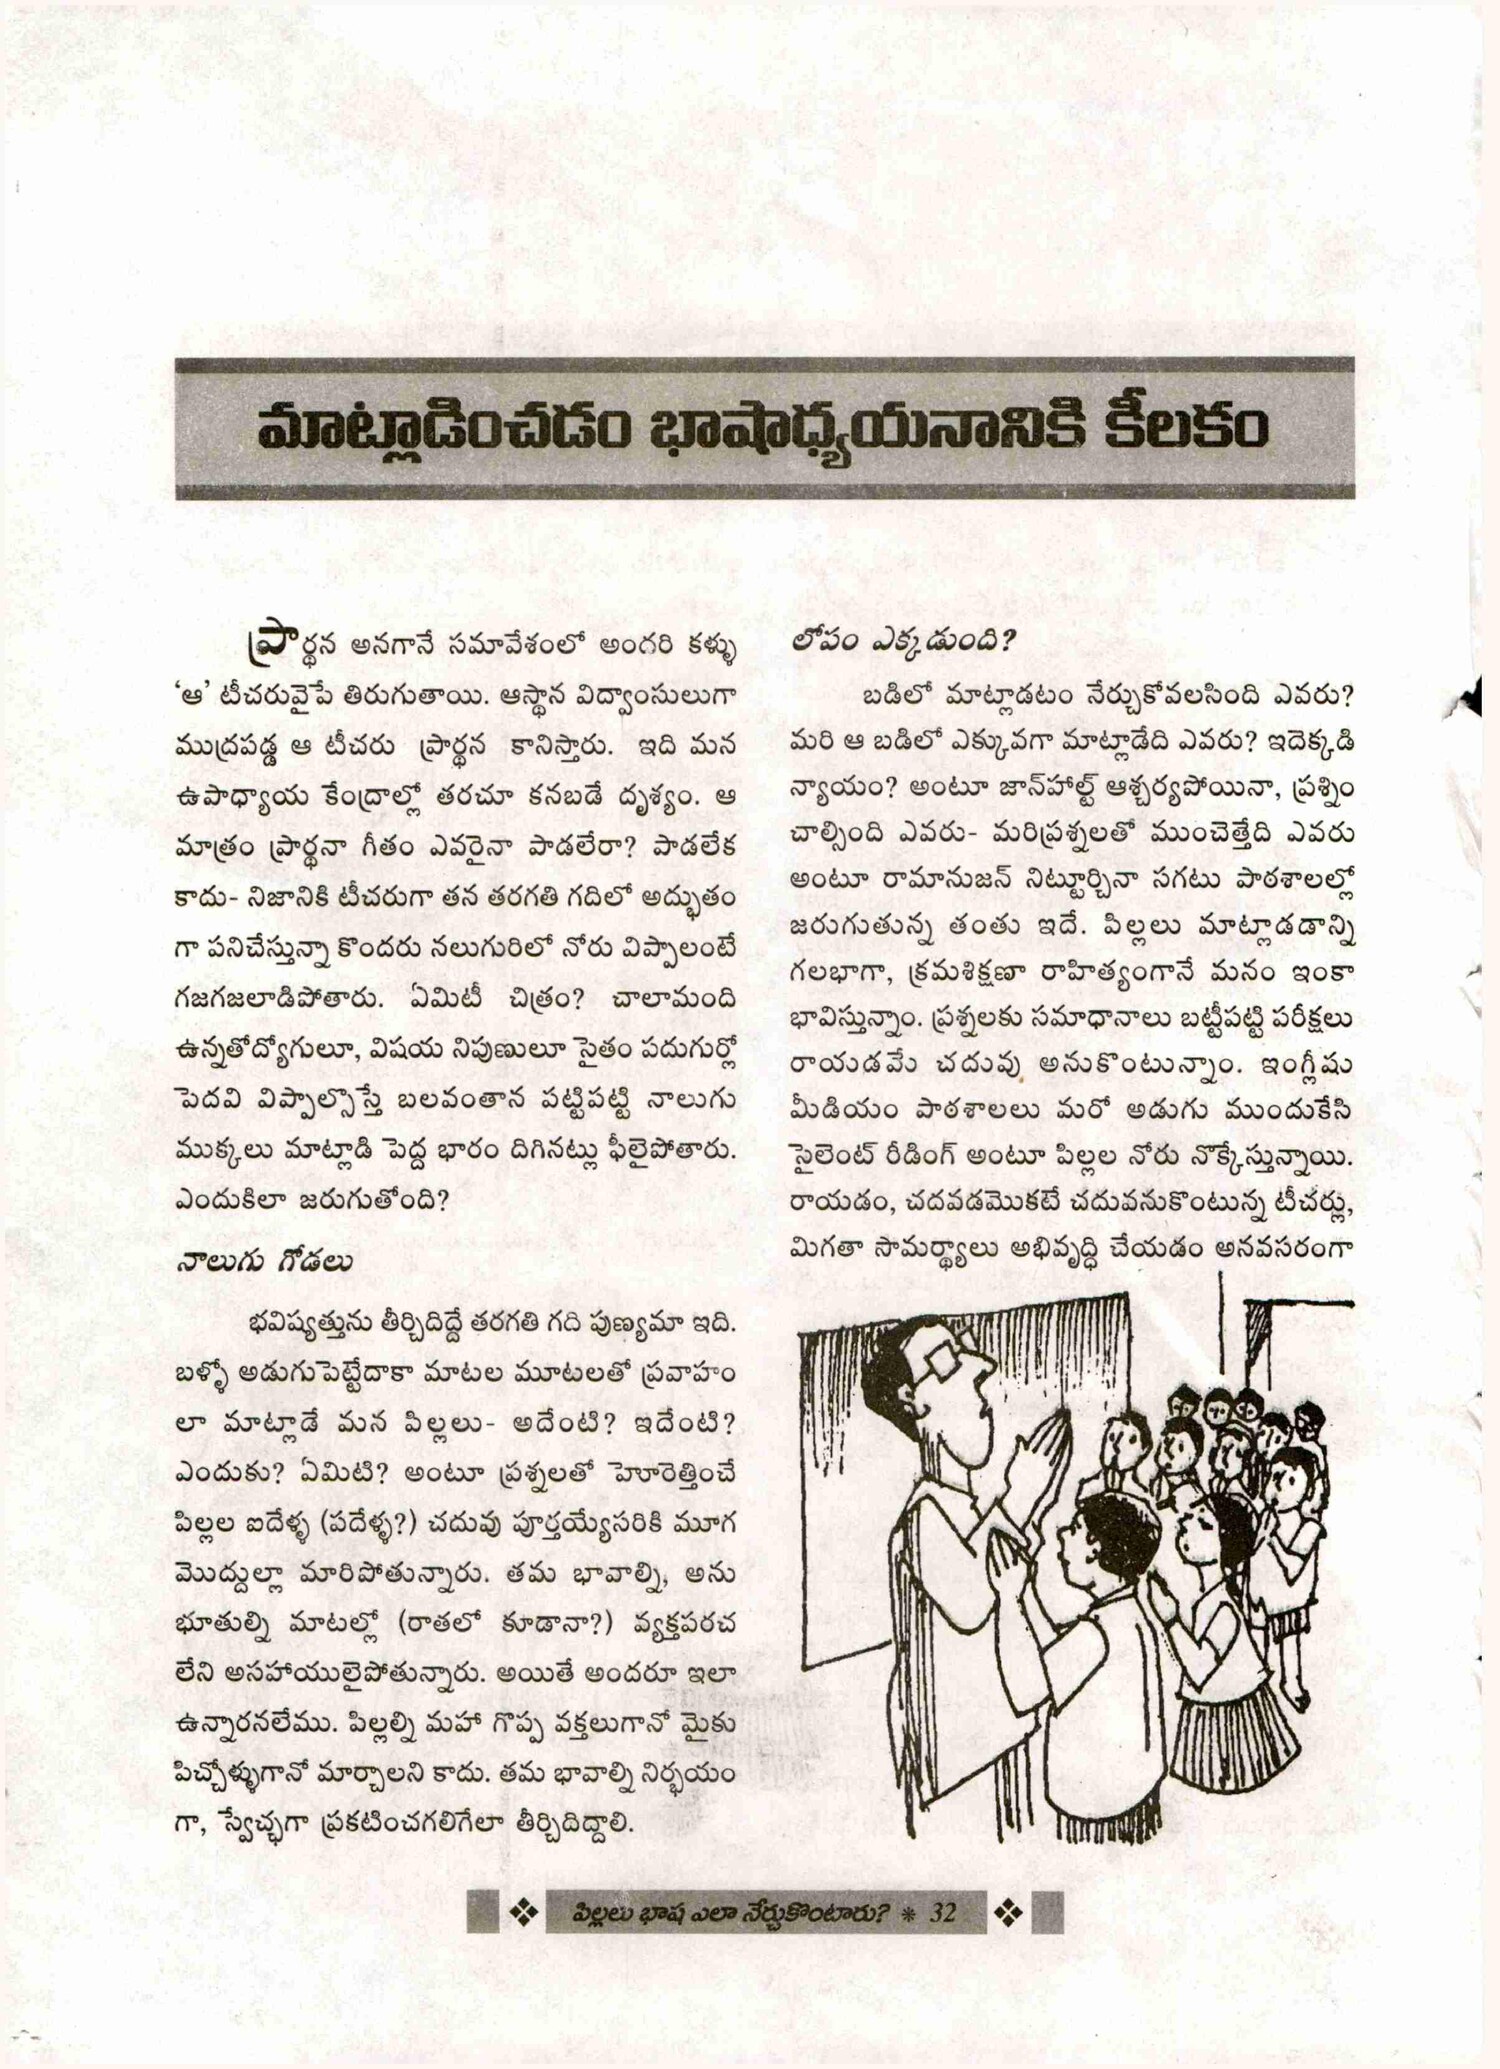మాట్లాడించడం భాషాధ్యయనానికి కీలకం

ప్రార్థన అనగానే సమావేశంలో అందరి కళ్ళు 'ఆ' టీచరువైపే తిరుగుతాయి. ఆస్థాన విద్వాంసులుగా ముద్రపడ్డ ఆ టీచరు ప్రార్థన కానిస్తారు. ఇది మన ఉపాధ్యాయ కేంద్రాల్లో తరచూ కనబడే దృశ్యం. ఆ మాత్రం ప్రార్థనా గీతం ఎవరైనా పాడలేరా? పాడలేక కాదు- నిజానికి టీచరుగా తన తరగతి గదిలో అద్భుతంగా పనిచేస్తున్నా కొందరు నలుగురిలో నోరు విప్పాలంటే గజగజలాడిపోతారు. ఏమిటీ చిత్రం? చాలామంది ఉన్నతోద్యోగులూ, విషయ నిపుణులూ సైతం పదుగుర్లో పెదవి విప్పాల్సొస్తే బలవంతాన పట్టిపట్టి నాలుగు ముక్కలు మాట్లాడి పెద్ద భారం దిగినట్లు ఫీలైపోతారు. ఎందుకిలా జరుగుతోంది?

నాలుగు గోడలు

భవిష్యత్తును తీర్చిదిద్దే తరగతి గది పుణ్యమా ఇది. బళ్ళో అడుగుపెట్టేదాకా మాటల మూటలతో ప్రవాహం లా మాట్లాడే మన పిల్లలు - అదేంటి? ఇదేంటి? ఎందుకు? ఏమిటి? అంటూ ప్రశ్నలతో హెూరెత్తించే పిల్లల ఐదేళ్ళ (పదేళ్ళ?) చదువు పూర్తయ్యేసరికి మూగ మొద్దుల్లా మారిపోతున్నారు. తమ భావాల్ని, అనుభూతుల్ని మాటల్లో (రాతలో కూడానా? వ్యక్తపరచలేని అసహాయులైపోతున్నారు. అయితే అందరూ ఇలా ఉన్నారనలేము. పిల్లల్ని మహా గొప్ప వక్తలుగానో మైకు పిచ్చోళ్ళుగానో మార్చాలని కాదు. తమ భావాల్ని నిర్భయంగా, స్వేచ్ఛగా ప్రకటించగలిగేలా తీర్చిదిద్దాలి.

లోపం ఎక్కడుంది?

బడిలో మాట్లాడటం నేర్చుకోవలసింది ఎవరు? మరి ఆ బడిలో ఎక్కువగా మాట్లాడేది ఎవరు? ఇదెక్కడి న్యాయం? అంటూ జాన్‌హాల్ట్ ఆశ్చర్యపోయినా, ప్రశ్నించాల్సింది ఎవరు- మరిప్రశ్నలతో ముంచెత్తేది ఎవరు అంటూ రామానుజన్ నిట్టూర్చినా సగటు పాఠశాలల్లో జరుగుతున్న తంతు ఇదే. పిల్లలు మాట్లాడడాన్ని గలభాగా, క్రమశిక్షణా రాహిత్యంగానే మనం ఇంకా భావిస్తున్నాం. ప్రశ్నలకు సమాధానాలు బట్టీపట్టి పరీక్షలు రాయడమే చదువు అనుకొంటున్నాం. ఇంగ్లీషు మీడియం పాఠశాలలు మరో అడుగు ముందుకేసి సైలెంట్ రీడింగ్ అంటూ పిల్లల నోరు నొక్కేస్తున్నాయి.
రాయడం, చదవడమొకటే చదువనుకొంటున్న టీచర్లు, మిగతా సామర్థ్యాలు అభివృద్ధి చేయడం అనవసరంగా